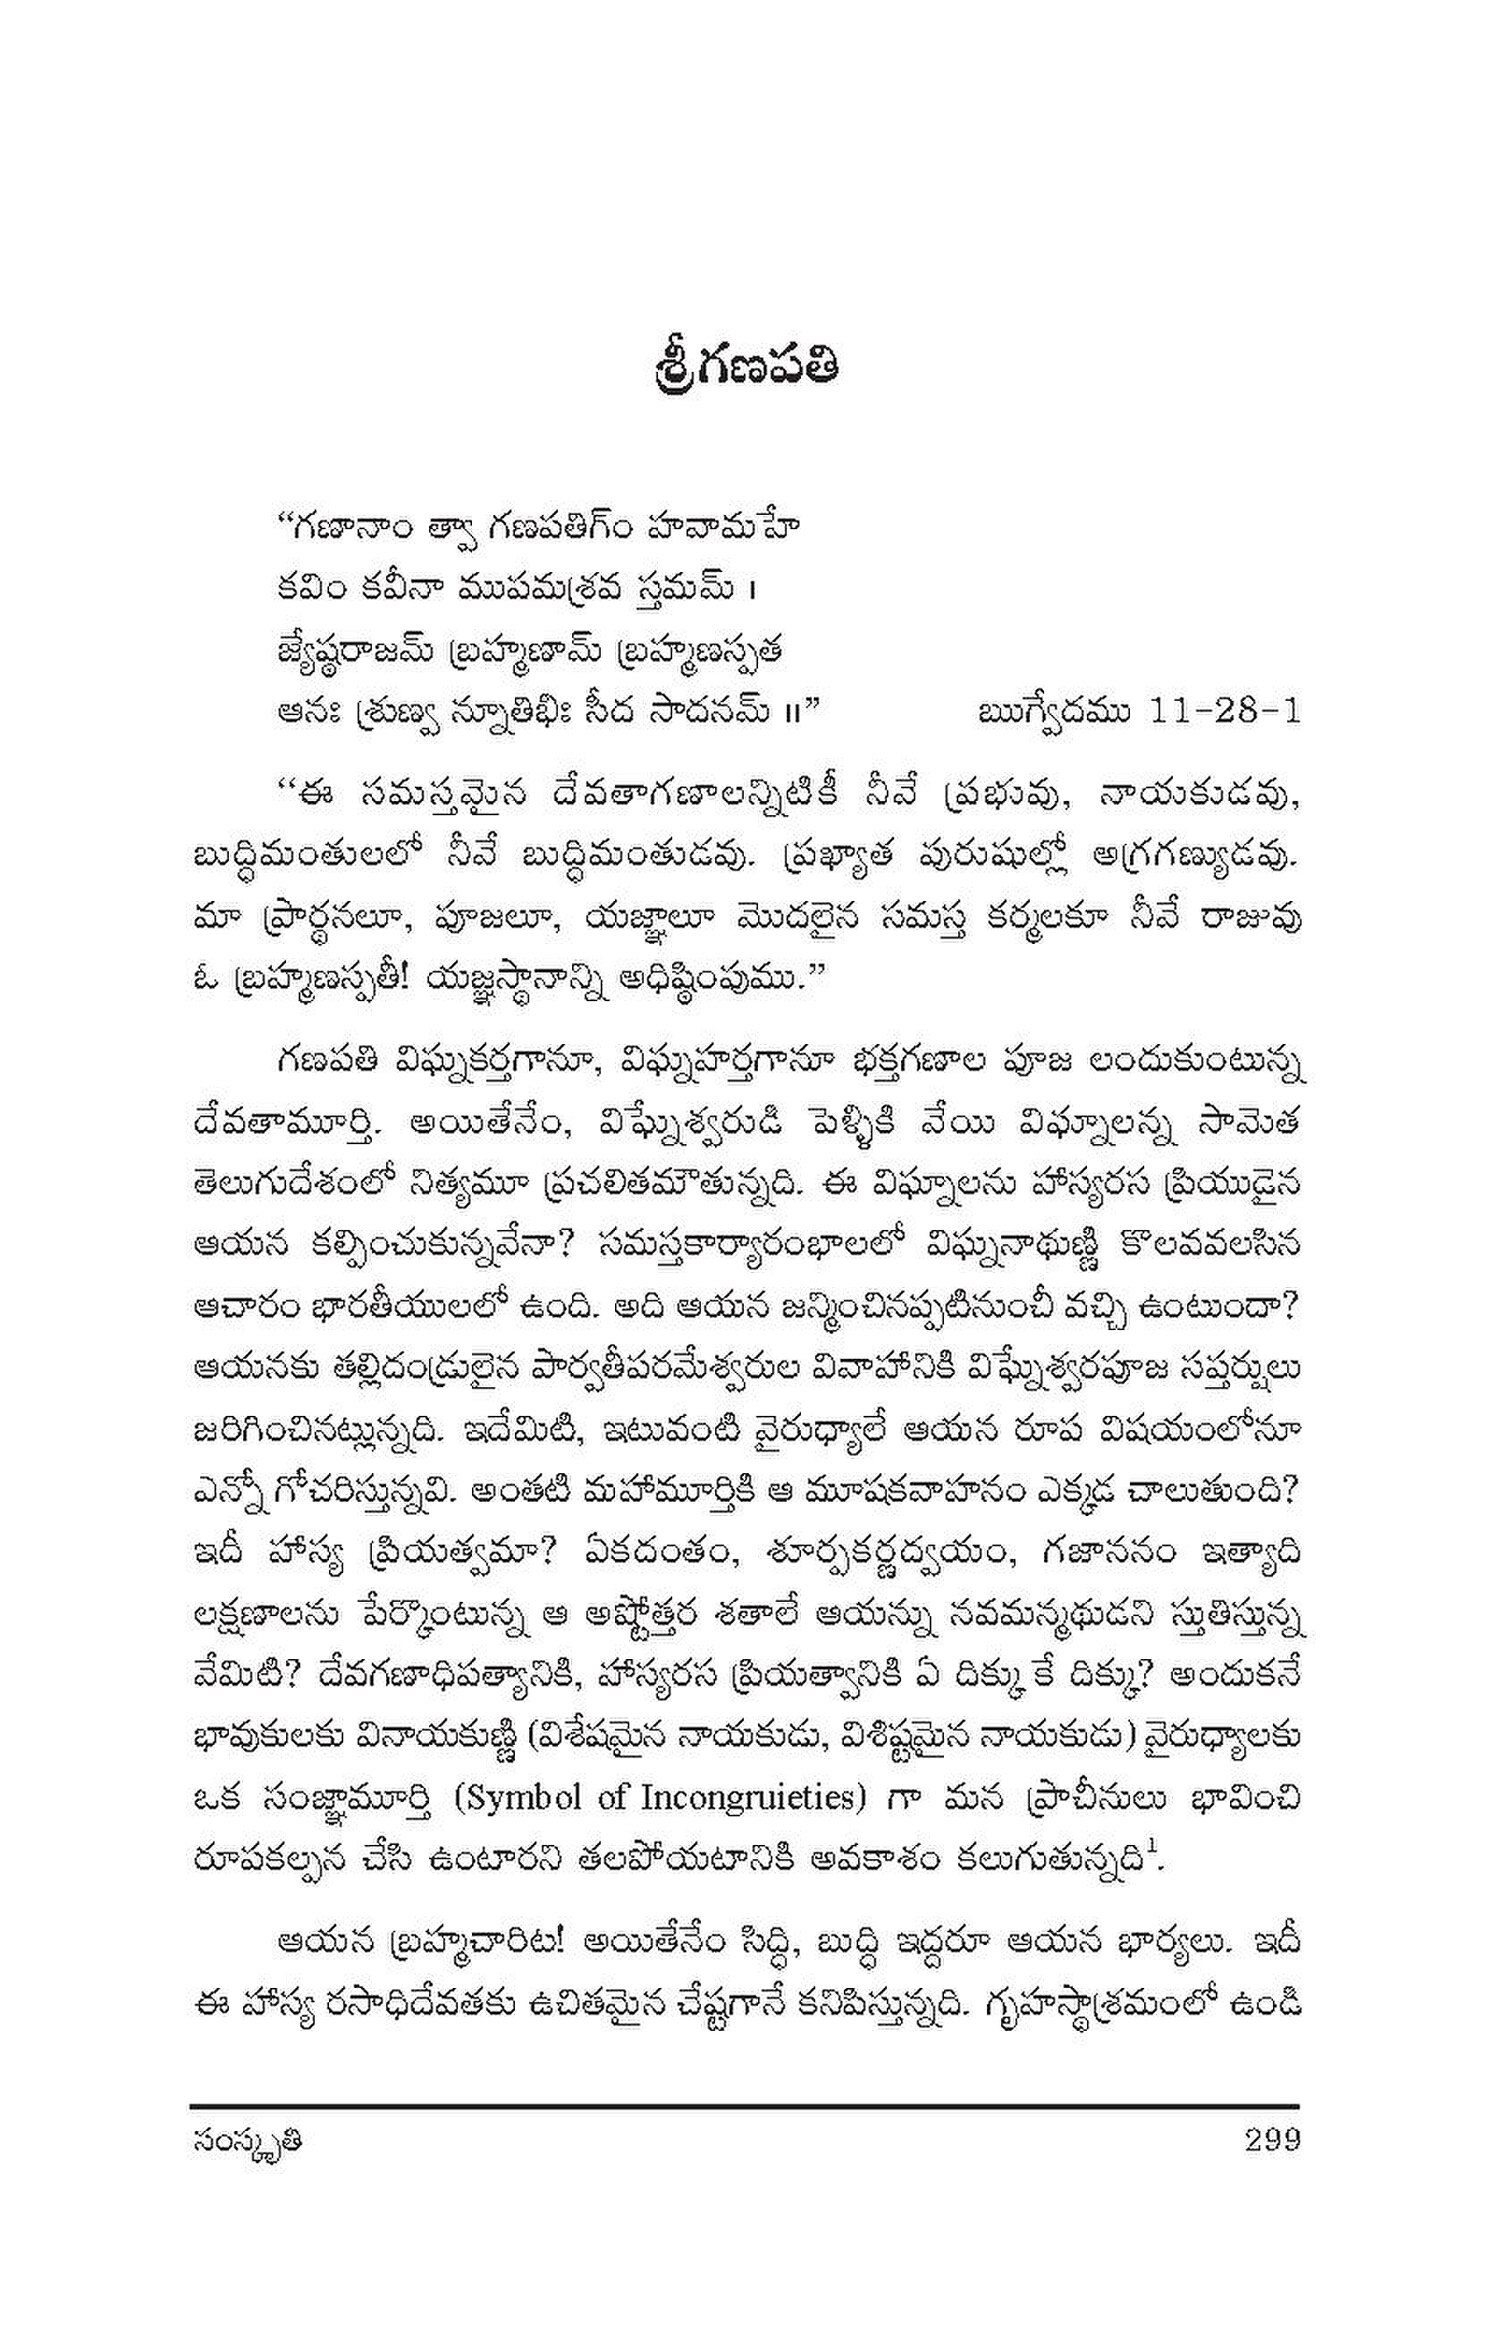శ్రీగణపతి

"గణానాం త్వా గణపతిగ్ం హవామహే
కవిం కవీనా ముపమశ్రవ స్తమమ్ |
జ్యేష్ఠరాజమ్ బ్రహ్మణామ్ బ్రహ్మణస్పత
ఆనః శ్రుణ్వ న్నూతిభిః సీద సాదనమ్||" ఋగ్వేదము 11-28-1

“ఈ సమస్తమైన దేవతాగణాలన్నిటికీ నీవే ప్రభువు, నాయకుడవు, బుద్ధిమంతులలో నీవే బుద్ధిమంతుడవు. ప్రఖ్యాత పురుషుల్లో అగ్రగణ్యుడవు. మా ప్రార్థనలూ, పూజలూ, యజ్ఞాలూ మొదలైన సమస్త కర్మలకూ నీవే రాజువు ఓ బ్రహ్మణస్పతీ! యజ్ఞస్థానాన్ని అధిష్ఠింపుము.”

గణపతి విఘ్నకర్తగానూ, విఘ్నహర్తగానూ భక్తగణాల పూజ లందుకుంటున్న
దేవతామూర్తి. అయితేనేం, విఘ్నేశ్వరుడి పెళ్ళికి వేయి విఘ్నాలన్న సామెత
తెలుగుదేశంలో నిత్యమూ ప్రచలితమౌతున్నది. ఈ విఘ్నాలను హాస్యరస ప్రియుడైన
ఆయన కల్పించుకున్నవేనా? సమస్తకార్యారంభాలలో విఘ్ననాథుణ్ణి కొలవవలసిన
ఆచారం భారతీయులలో ఉంది. అది ఆయన జన్మించినప్పటినుంచీ వచ్చి ఉంటుందా?
ఆయనకు తల్లిదండ్రులైన పార్వతీపరమేశ్వరుల వివాహానికి విఘ్నేశ్వరపూజ సప్తర్షులు
జరిగించినట్లున్నది. ఇదేమిటి, ఇటువంటి వైరుధ్యాలే ఆయన రూప విషయంలోనూ
ఎన్నో గోచరిస్తున్నవి. అంతటి మహామూర్తికి ఆ మూషకవాహనం ఎక్కడ చాలుతుంది?
ఇదీ హాస్య ప్రియత్వమా? ఏకదంతం, శూర్పకర్ణద్వయం, గజాననం ఇత్యాది
లక్షణాలను పేర్కొంటున్న ఆ అష్టోత్తర శతాలే ఆయన్ను నవమన్మథుడని స్తుతిస్తున్న
వేమిటి? దేవగణాధిపత్యానికి, హాస్యరస ప్రియత్వానికి ఏ దిక్కుకే దిక్కు? అందుకనే
భావుకులకు వినాయకుణ్ణి (విశేషమైన నాయకుడు, విశిష్టమైన నాయకుడు) వైరుధ్యాలకు
ఒక సంజ్ఞామూర్తి (Symbol of Incongruieties) గా మన ప్రాచీనులు భావించి
రూపకల్పన చేసి ఉంటారని తలపోయటానికి అవకాశం కలుగుతున్నది1.

ఆయన బ్రహ్మచారిట! అయితేనేం సిద్ధి, బుద్ధి ఇద్దరూ ఆయన భార్యలు. ఇదీ
ఈ హాస్య రసాధిదేవతకు ఉచితమైన చేష్టగానే కనిపిస్తున్నది. గృహస్థాశ్రమంలో ఉండి